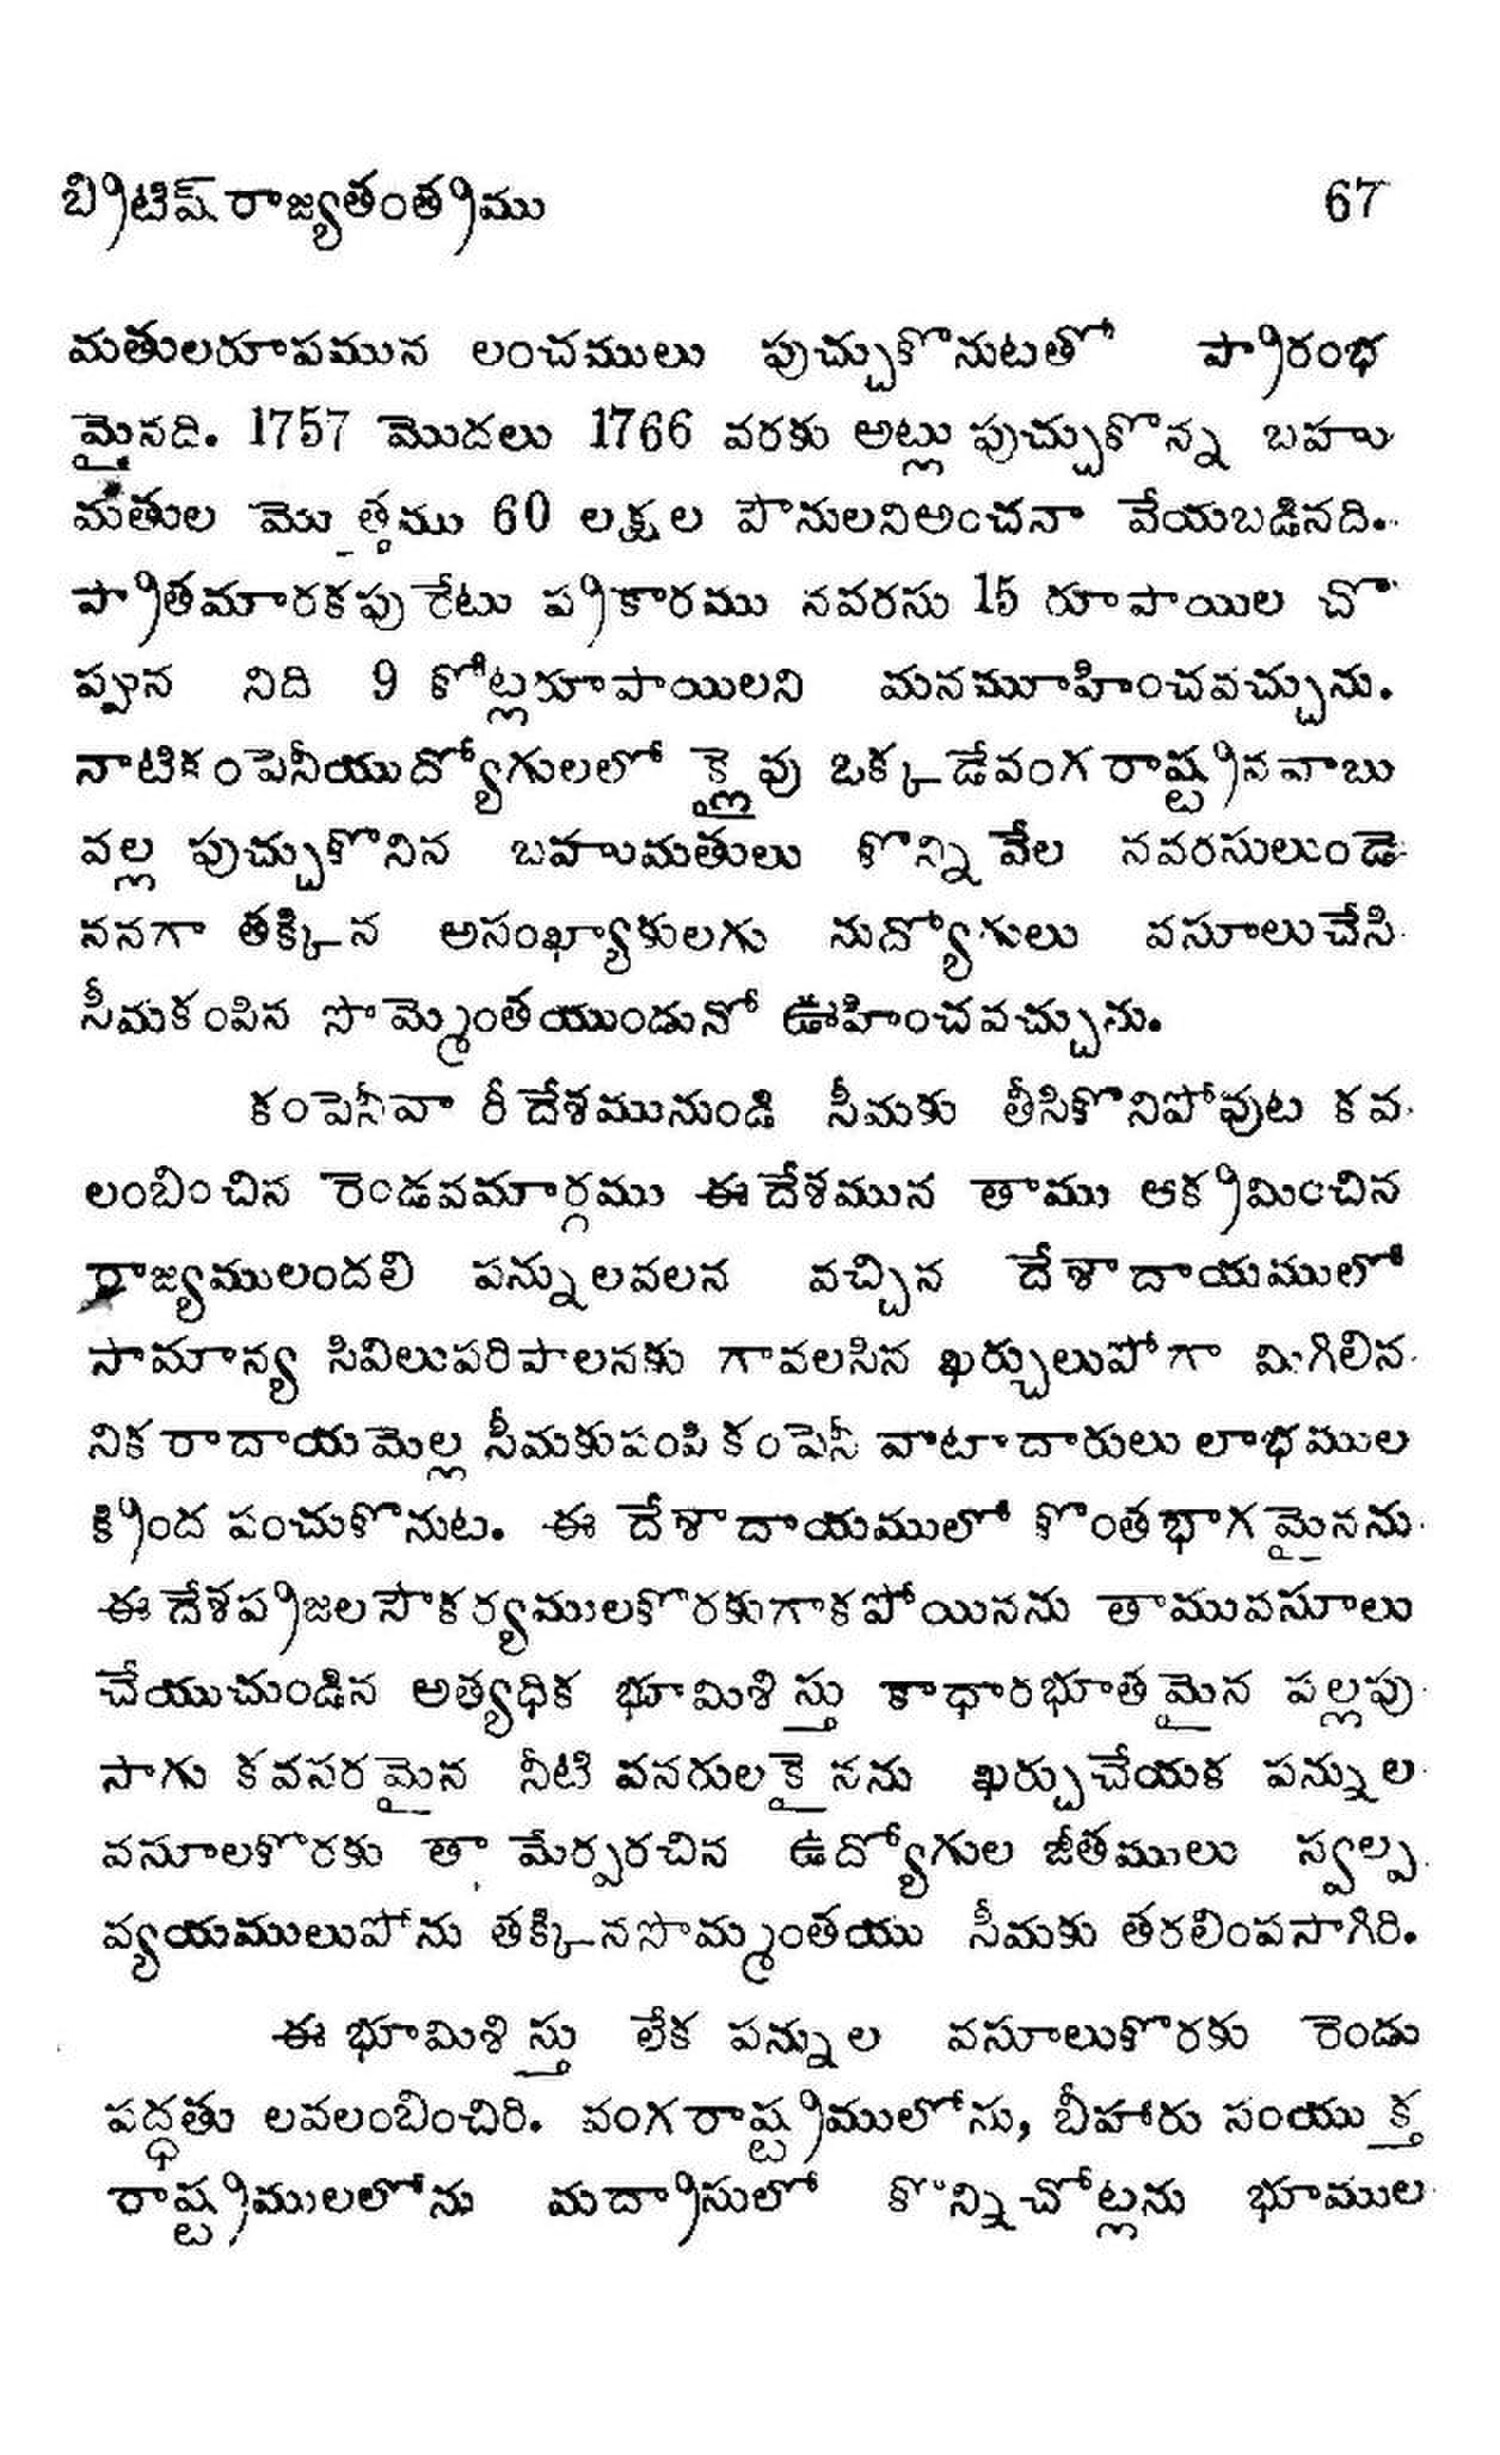మతులరూపమున లంచములు పుచ్చుకొనుటతో ప్రారంభమైనది. 1757 మొదలు 1766 వరకు అట్లు పుచ్చుకొన్న బహుమతుల మొత్తము 60 లక్షల పౌనులనిఅంచనా వేయబడినది. ప్రాతమారకపురేటు ప్రకారము నవరసు 15 రూపాయిల చొప్పున నిది 9 కోట్ల రూపాయిలని మనమూహించవచ్చును. నాటికంపెనీయుద్యోగులలో క్లెవు ఒక్కడేవంగరాష్ట్రనవాబువల్ల పుచ్చుకొనిన బహుమతులు కొన్ని వేల నవరసులుండెననగా తక్కిన అసంఖ్యాకులగు నుద్యోగులు వసూలుచేసి సీమకంపిన సొమ్మెంతయుండునో ఊహించవచ్చును.

కంపెనీవా రీదేశమునుండి సీమకు తీసికొనిపోవుట కవలంబించిన రెండవమార్గము ఈదేశమున తాము ఆక్రమించిన రాజ్యములందలి పన్నులవలన వచ్చిన దేశాదాయములో సామాన్య సివిలుపరిపాలనకు గావలసిన ఖర్పులుపోగా మిగిలిన నికరాదాయమెల్ల సీమకుపంపి కంపెనీ వాటాదారులు లాభముల క్రింద పంచుకొనుట. ఈ దేశాదాయములో కొంతభాగమైనను. ఈ దేశప్రజల సౌకర్యములకొరకుగాకపోయినను తామువసూలు చేయుచుండిన అత్యధిక భూమిశిస్తు కాధారభూతమైన పల్లపుసాగు కవసరమైన నీటి వనరులకైనను ఖర్చుచేయక పన్నుల వసూలకొరకు తా మేర్పరచిన ఉద్యోగుల జీతములు స్వల్ప వ్యయములుపోను తక్కినసొమ్మంతయు సీమకు తరలింపసాగిరి.

ఈ భూమిశిస్తు లేక పన్నుల వసూలుకొరకు రెండుపద్దతు లవలంబించిరి. వంగరాష్ట్రములోసు, బీహారు సంయుక్త రాష్ట్రములలోను మద్రాసులో కొన్నిచోట్లను భూముల